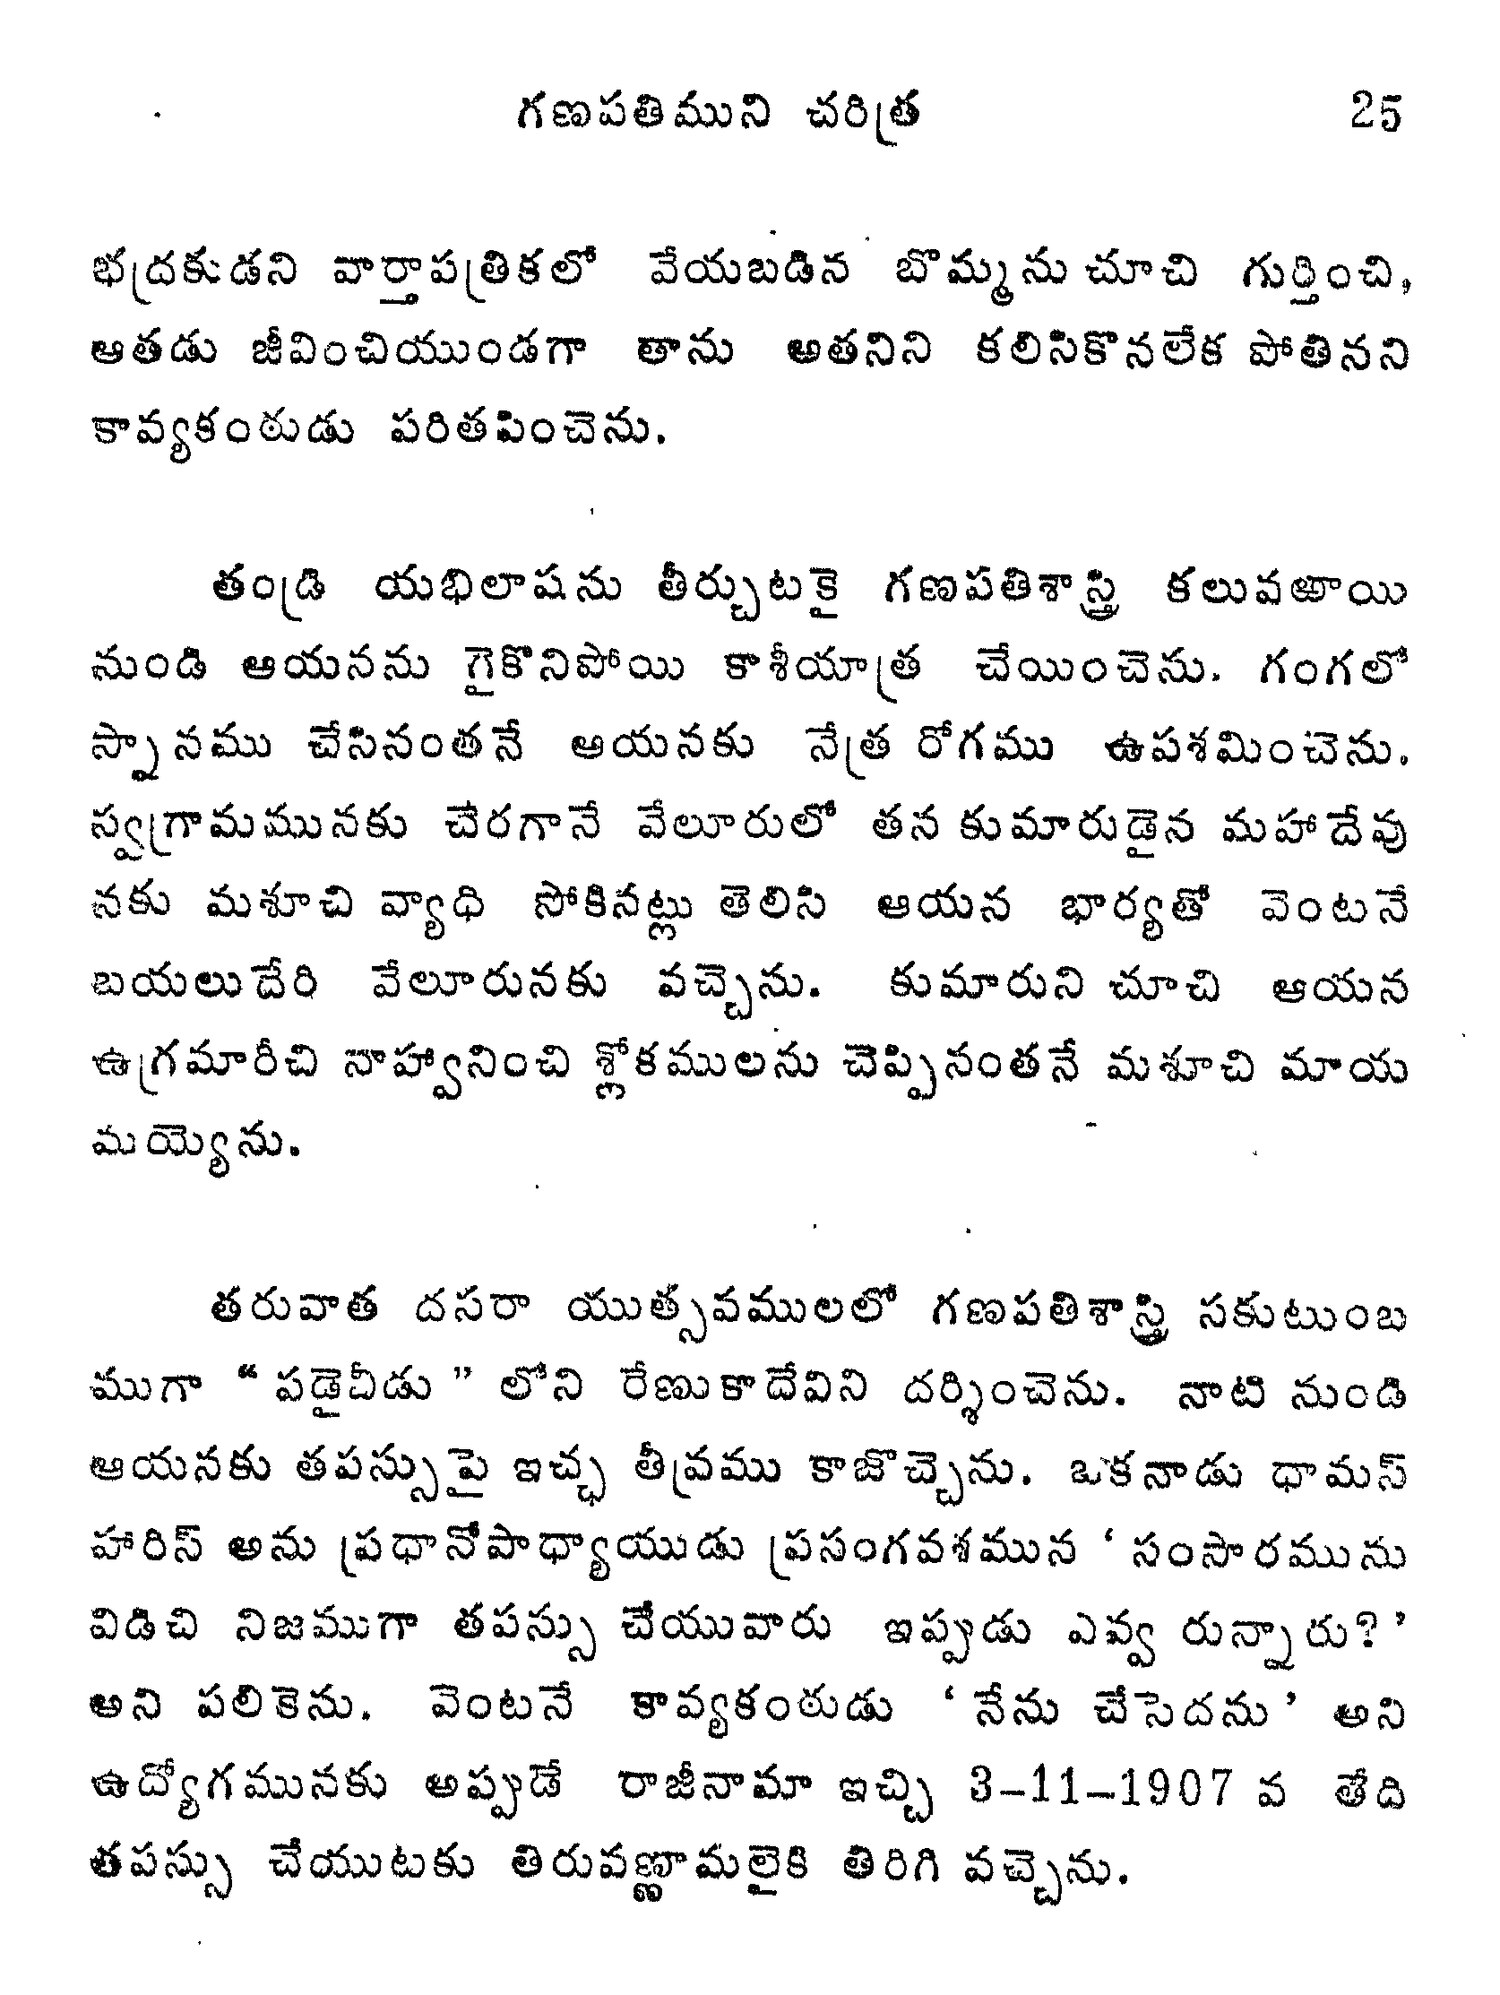భద్రకుడని వార్తాపత్రికలలో వేయబడిన బొమ్మను చూచి గుర్తించి, ఆతడు జీవించియుండగా తాను అతనిని కలిసికొనలేక పోతినని కావ్యకంఠుడు పరితపించెను.

తండ్రి యభిలాషను తీర్చుటకై గణపతిశాస్త్రి కలువఱాయి నుండి ఆయనను గైకొనిపోయి కాశీయాత్ర చేయించెను. గంగలో స్నానము చేసినంతనే ఆయనకు నేత్ర రోగము ఉపశమించెను. స్వగ్రామమునకు చేరగానే వేలూరులో తన కుమారుడైన మహాదేవునకు మశూచి వ్యాధి సోకినట్లు తెలిసి ఆయన భార్యతో వెంటనే బయలుదేరి వేలూరునకు వచ్చెను. కుమారుని చూచి ఆయన ఉగ్రమారీచి నాహ్వానించి శ్లోకములను చెప్పినంతనే మశూచి మాయమయ్యెను.

తరువాత దసరా యుత్సవములలో గణపతిశాస్త్రి సకుటుంబముగా "పడైవీడు" లోని రేణుకాదేవిని దర్శించెను. నాటి నుండి ఆయనకు తపస్సుపై ఇచ్ఛ తీవ్రము కాజొచ్చెను. ఒకనాడు ధామస్ హారిస్ అను ప్రధానోపాధ్యాయుడు ప్రసంగవశమున 'సంసారమును విడచి నిజముగా తపస్సు చేయువారు ఇప్పుడు ఎవ్వ రున్నారు?' అని పలికెను. వెంటనే కావ్యకంఠుడు 'నేను చేసెదను' అని ఉద్యోగమునకు అప్పుడే రాజీనామా ఇచ్చి 3 - 11 - 1907 వ తేది తపస్సు చేయుటకు తిరువణ్ణామలైకి తిరిగి వచ్చెను.